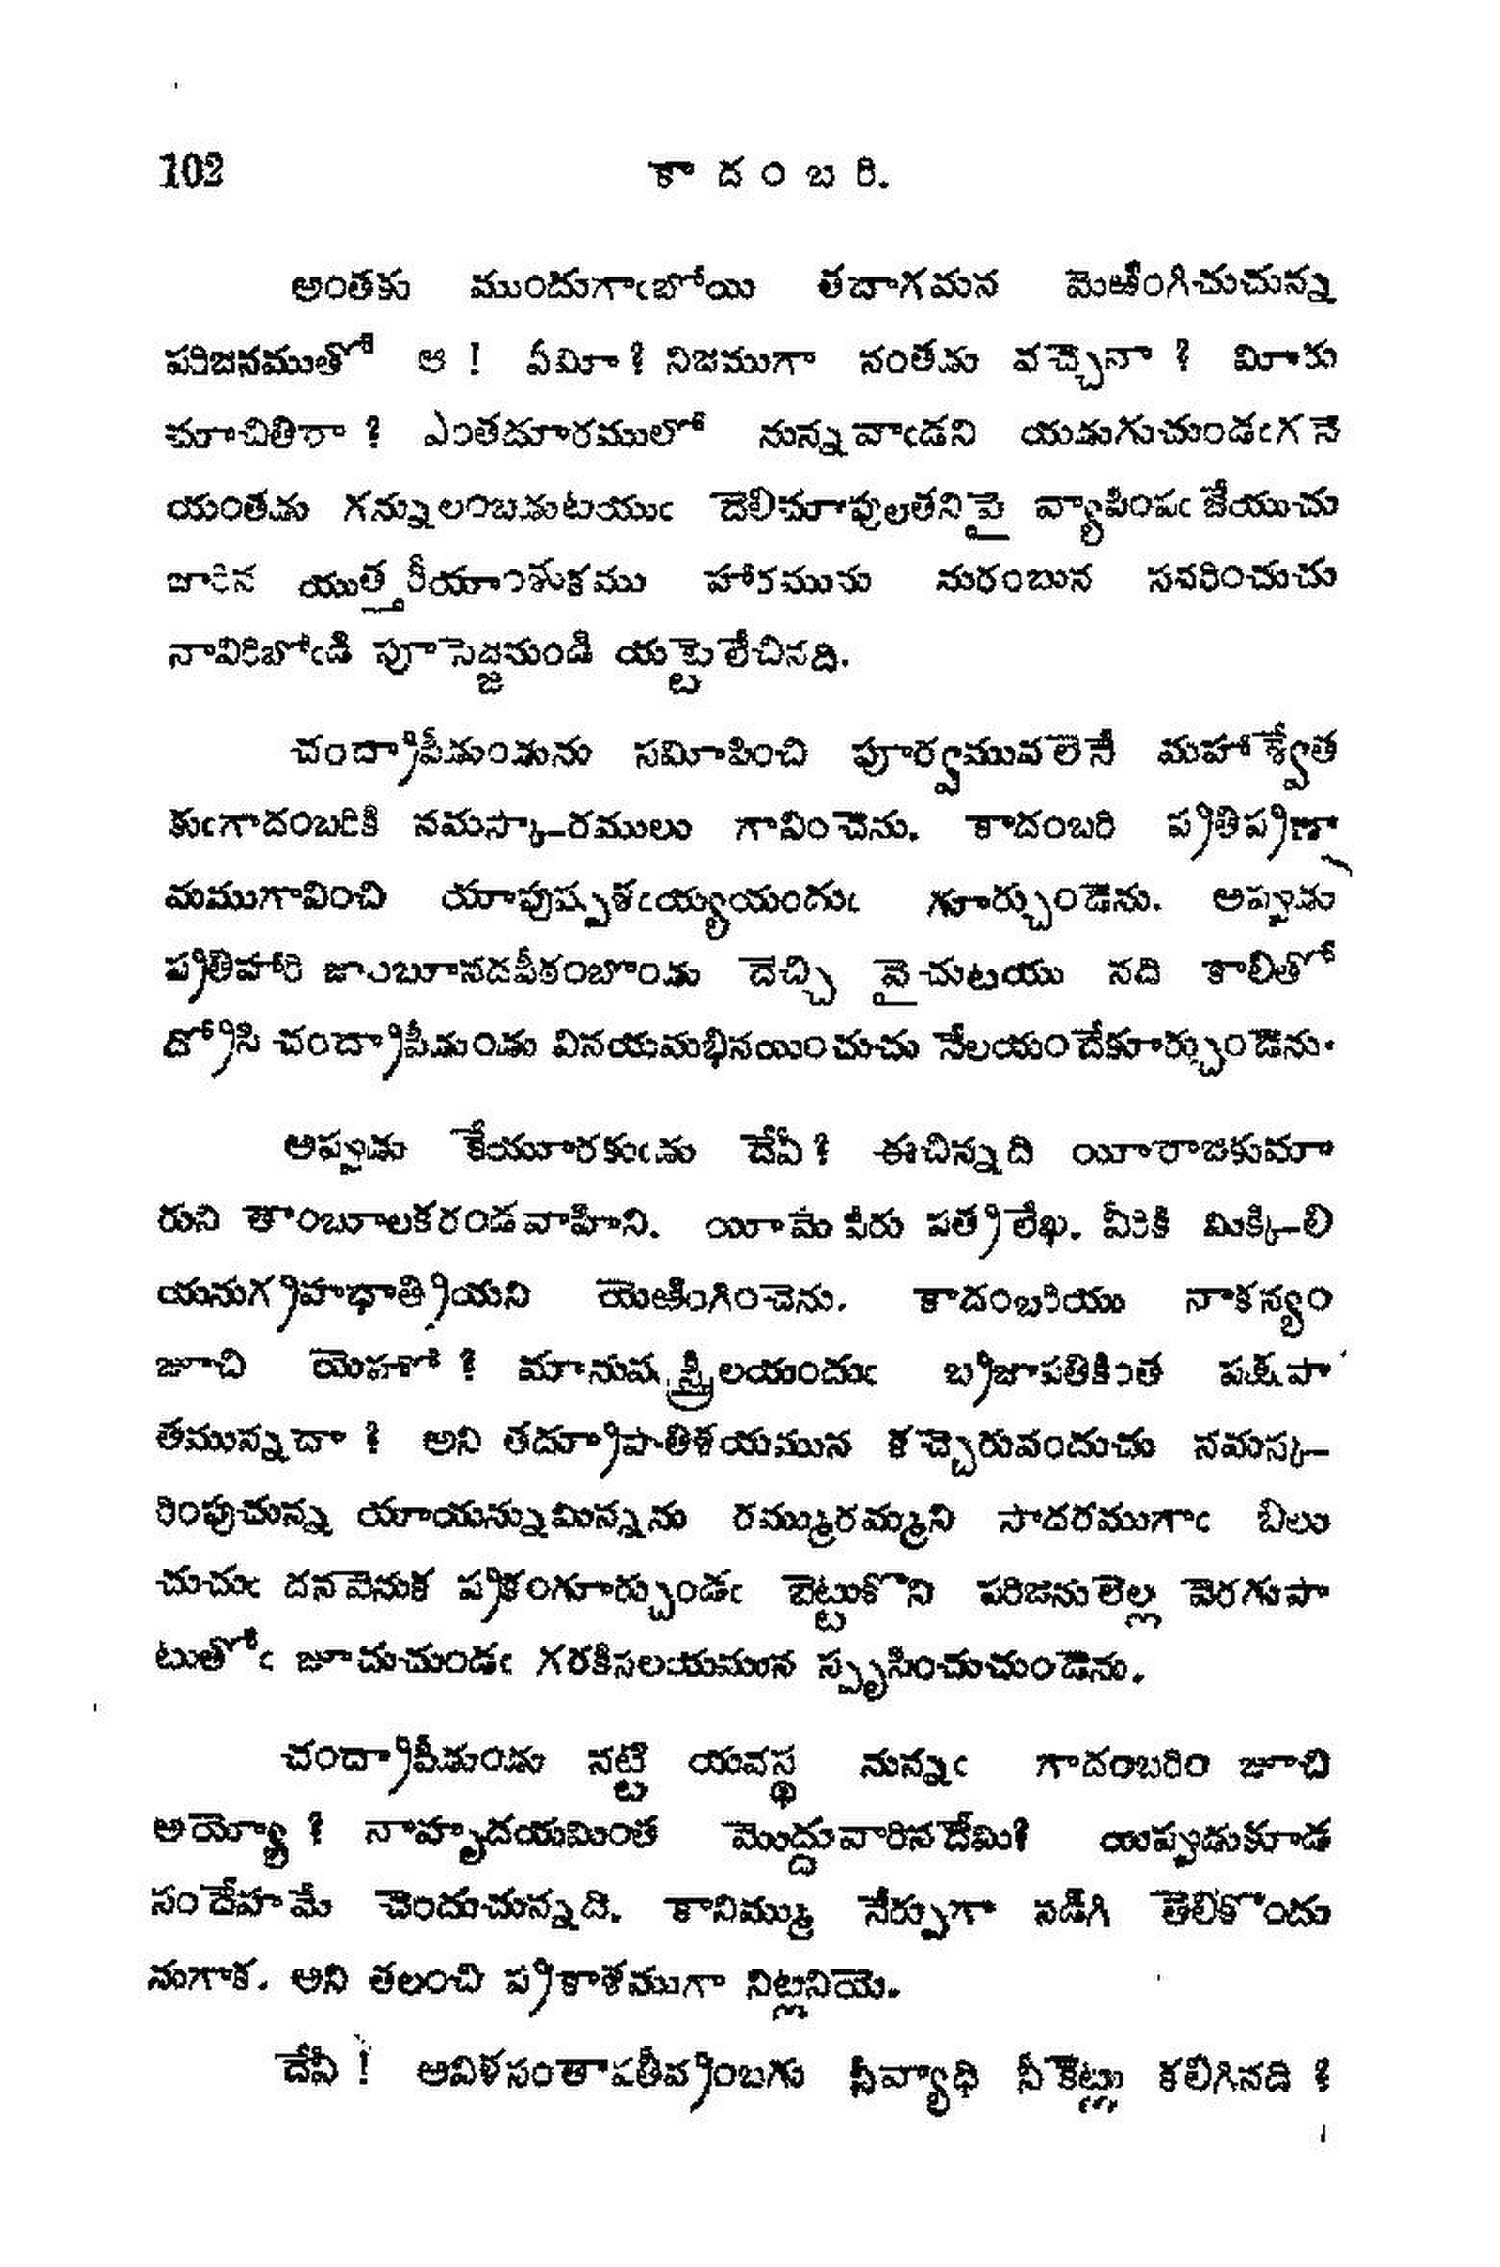అంతకు ముందుగాఁబోయి తదాగమన మెఱింగించుచున్న పరిజనముతో ఆ! ఏమీ? నిజముగా నతండు వచ్చెనా? మీరు చూచితిరా? ఎంతదూరములో నున్నవాఁడని యడుగుచుండఁగనె యతండు గన్నులంబడుటయుఁ దెలిచూపులతనిపై వ్యాపింపఁజేయుచు జారిన యుత్తరీయాంశుకము హారమును నురంబున సవరించుచు నావిరిబోఁడి పూసెజ్జనుండి యట్టెలేచినది.

చంద్రాపీడుండును సమీపించి పూర్వమువలెనే మహాశ్వేతకుఁగాదంబరికి నమస్కారములు గావించెను. కాదంబరి ప్రతిప్రణామముగావించి యాపుష్పశఁయ్యయందుఁ గూర్చుండెను. అప్పుడు ప్రతిహారి జాంబూనదపీఠంబొండు దెచ్చి వైచుటయు నది కాలితో ద్రోసి చంద్రాపీడుండు వినయమభినయించుచు నేలయందేకూర్చుండెను.

అప్పుడు కేయూరకుఁడు దేవీ? ఈచిన్నది యీరాజకుమారుని తాంబూలకరండవాహిని. యీమెపేరు పత్రలేఖ. వీరికి మిక్కిలి యనుగ్రహధాత్రియని యెఱింగించెను. కాదంబరియు నాకన్యం జూచి యెహో? మానుషస్త్రీలయందుఁ బ్రజాపతికింత పక్షపాతమున్నదా? అని తద్రూపాతిశయమున కచ్చెరువందుచు నమస్కరింపుచున్న యాయన్నుమిన్నను రమ్మురమ్మని సాదరముగాఁ బిలుచుచుఁ దనవెనుక ప్రకంగూర్చుండఁ బెట్టుకొని పరిజనులెల్ల వెరగుపాటుతోఁ జూచుచుండఁ గరకిసలయమున స్పృశించుచుండెను.

చంద్రాపీడుండు నట్టి యవస్థ నున్నఁ గాదంబరిం జూచి అయ్యో? నాహృదయమింత మొద్దువారినదేమి? యిప్పుడుకూడ సందేహమే చెందుచున్నది. కానిమ్ము నేర్పుగా నడిగి తెలికొందునుగాక. అని తలంచి ప్రకాశముగా నిట్లనియె.

దేవీ! ఆవిళసంతాపతీవ్రంబగు నీవ్యాధి నీకెట్లు కలిగినది?